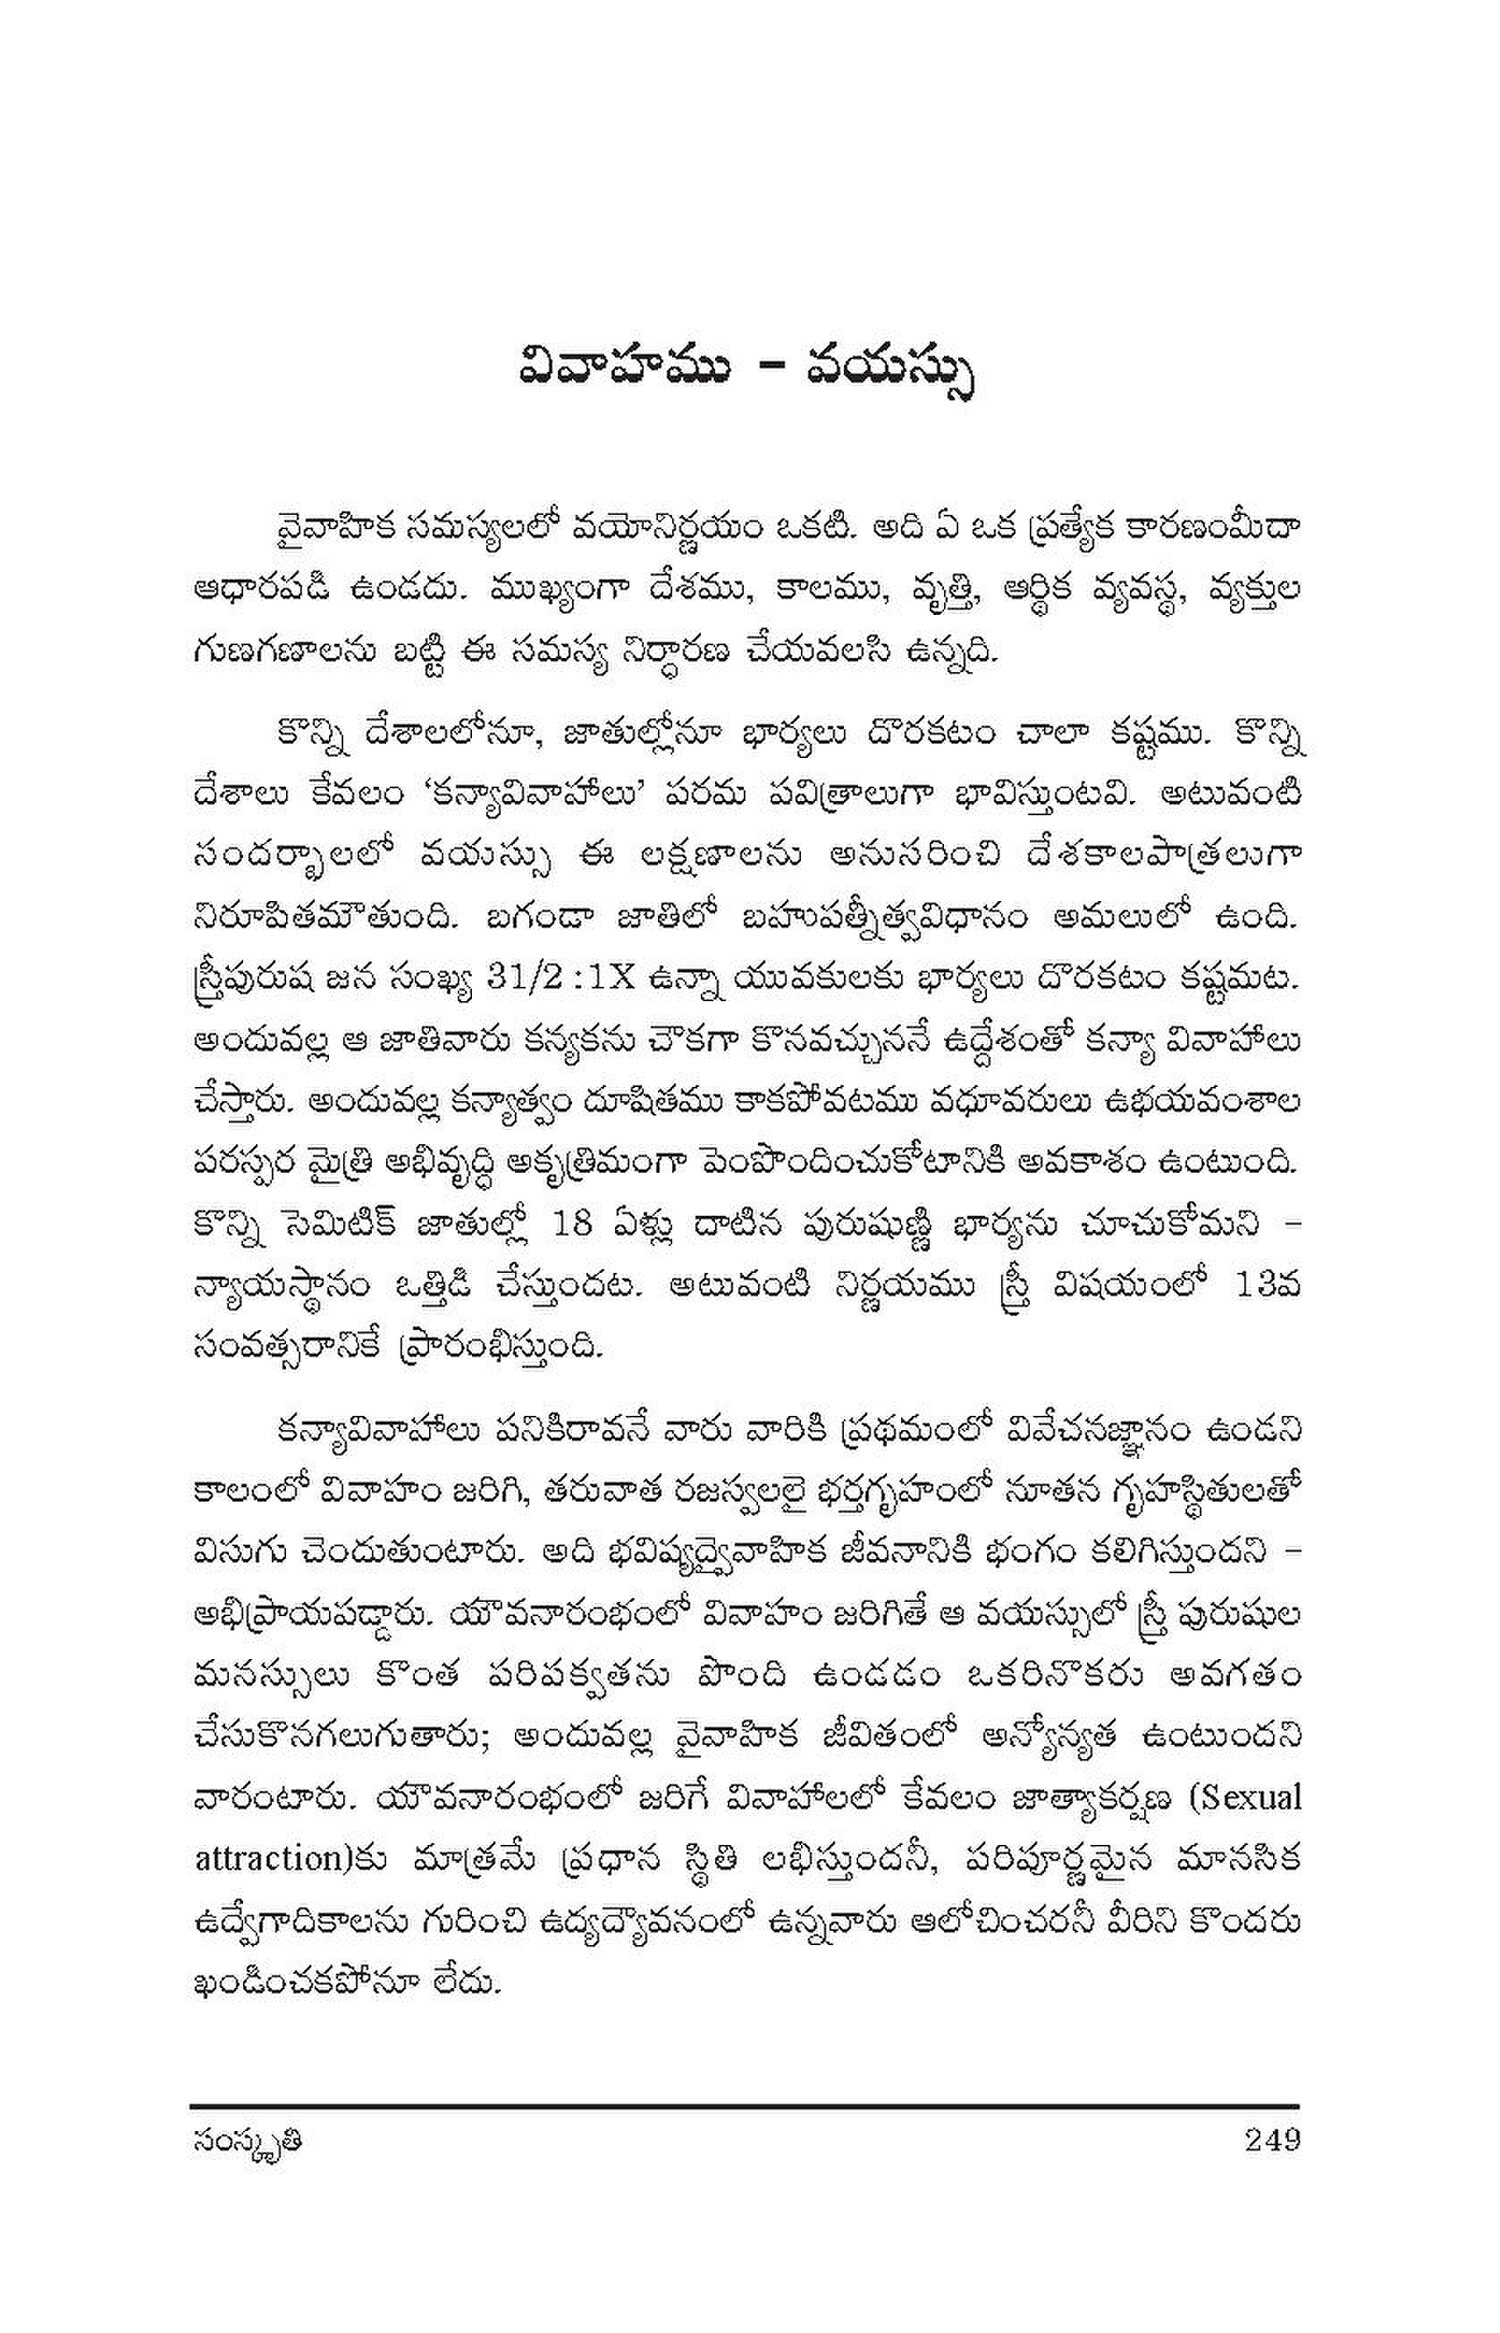వైవాహిక సమస్యలలో వయోనిర్ణయం ఒకటి. అది ఏ ఒక ప్రత్యేక కారణంమీదా
ఆధారపడి ఉండదు. ముఖ్యంగా దేశము, కాలము, వృత్తి, ఆర్థిక వ్యవస్థ, వ్యక్తుల
గుణగణాలను బట్టి ఈ సమస్య నిర్ధారణ చేయవలసి ఉన్నది.

కొన్ని దేశాలలోనూ, జాతుల్లోనూ భార్యలు దొరకటం చాలా కష్టము. కొన్ని
దేశాలు కేవలం 'కన్యావివాహాలు' పరమ పవిత్రాలుగా భావిస్తుంటవి. అటువంటి
సందర్భాలలో వయస్సు ఈ లక్షణాలను అనుసరించి దేశకాలపాత్రలుగా
నిరూపితమౌతుంది. బగండా జాతిలో బహుపత్నీత్వవిధానం అమలులో ఉంది.
స్త్రీపురుష జన సంఖ్య 31/2 :1X ఉన్నా యువకులకు భార్యలు దొరకటం కష్టమట.
అందువల్ల ఆ జాతివారు కన్యకను చౌకగా కొనవచ్చుననే ఉద్దేశంతో కన్యా వివాహాలు
చేస్తారు. అందువల్ల కన్యాత్వం దూషితము కాకపోవటము వధూవరులు ఉభయవంశాల
పరస్పర మైత్రి అభివృద్ధి అకృత్రిమంగా పెంపొందించుకోటానికి అవకాశం ఉంటుంది.
కొన్ని సెమిటిక్ జాతుల్లో 18 ఏళ్లు దాటిన పురుషుణ్ణి భార్యను చూచుకోమని
న్యాయస్థానం ఒత్తిడి చేస్తుందట. అటువంటి నిర్ణయము స్త్రీ విషయంలో 13వ
సంవత్సరానికే ప్రారంభిస్తుంది.

కన్యావివాహాలు పనికిరావనే వారు వారికి ప్రథమంలో వివేచనజ్ఞానం ఉండని
కాలంలో వివాహం జరిగి, తరువాత రజస్వలలై భర్తగృహంలో నూతన గృహస్థితులతో
విసుగు చెందుతుంటారు. అది భవిష్యద్వైవాహిక జీవనానికి భంగం కలిగిస్తుందని -
అభిప్రాయపడ్డారు. యౌవనారంభంలో వివాహం జరిగితే ఆ వయస్సులో స్త్రీ పురుషుల
మనస్సులు కొంత పరిపక్వతను పొంది ఉండడం ఒకరినొకరు అవగతం
చేసుకొనగలుగుతారు; అందువల్ల వైవాహిక జీవితంలో అన్యోన్యత ఉంటుందని
వారంటారు. యౌవనారంభంలో జరిగే వివాహాలలో కేవలం జాత్యాకర్షణ (Sexual
attraction)కు మాత్రమే ప్రధాన స్థితి లభిస్తుందనీ, పరిపూర్ణమైన మానసిక
ఉద్వేగాదికాలను గురించి ఉద్యద్యౌవనంలో ఉన్నవారు ఆలోచించరనీ వీరిని కొందరు
ఖండించకపోనూ లేదు.